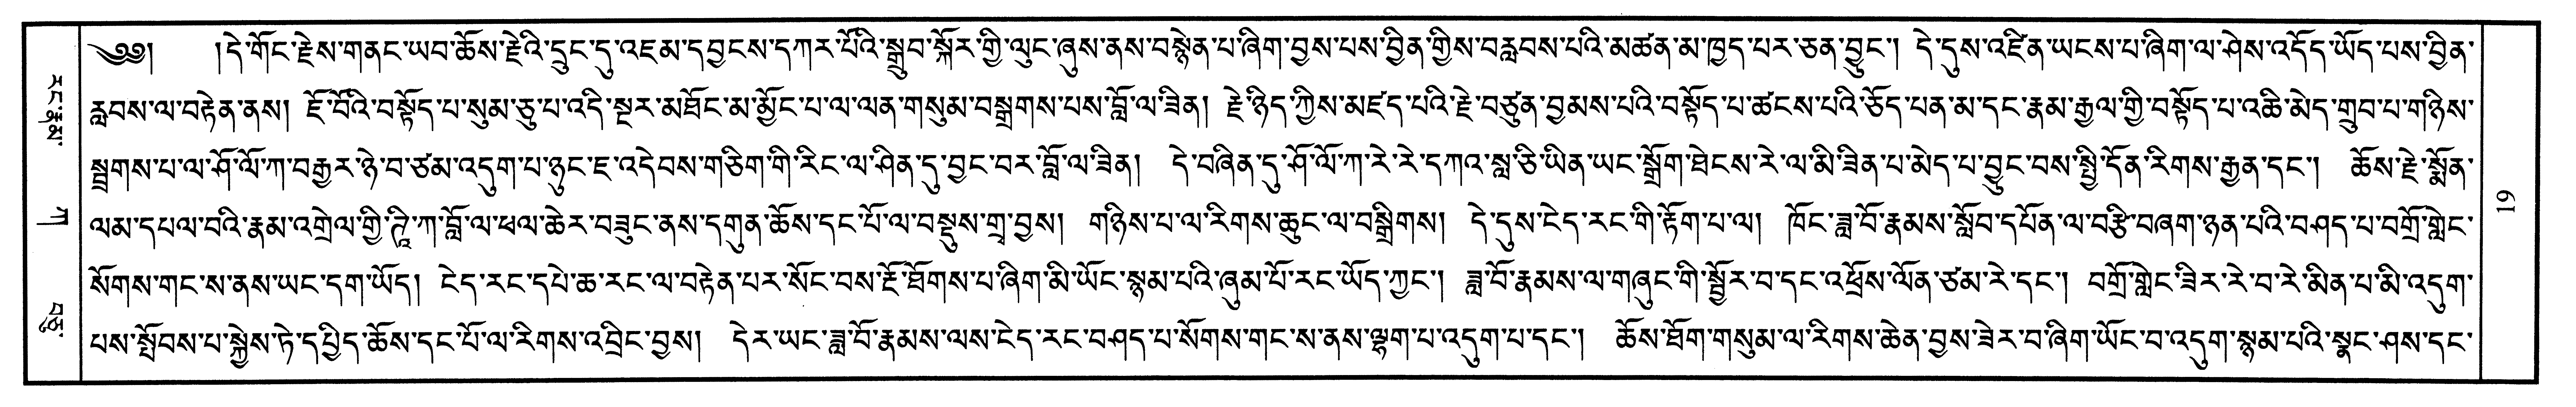༄༅། །དེ་གོང་རྗེས་གནང་ཡབ་ཆོས་རྗེའི་དྲུང་དུ་འཇམ་དབྱངས་དཀར་པོའི་སྒྲུབ་སྐོར་གྱི་ལུང་ཞུས་ནས་བསྙེན་པ་ཞིག་བྱས་པས་བྱིན་གྱིས་བརླབས་པའི་མཚན་མ་ཁྱད་པར་ཅན་བྱུང་། དེ་དུས་འཛིན་ཡངས་པ་ཞིག་ལ་ཤེས་འདོད་ཡོད་པས་བྱིན་
རླབས་ལ་བརྟེན་ནས། ཇོ་བོའི་བསྟོད་པ་སུམ་ཅུ་པ་འདི་སྔར་མཐོང་མ་མྱོང་པ་ལ་ལན་གསུམ་བསྒྲགས་པས་བློ་ལ་ཟིན། རྗེ་ཉིད་ཀྱིས་མཛད་པའི་རྗེ་བཙུན་བྱམས་པའི་བསྟོད་པ་ཚངས་པའི་ཅོད་པན་མ་དང་རྣམ་རྒྱལ་གྱི་བསྟོད་པ་འཆི་མེད་གྲུབ་པ་གཉིས་
སྦྲགས་པ་ལ་ཤོ་ལོ་ཀ་བརྒྱར་ཉེ་བ་ཙམ་འདུག་པ་ཉུང་ཇ་འདེབས་གཅིག་གི་རིང་ལ་ཤིན་ཏུ་བྱང་བར་བློ་ལ་ཟིན། དེ་བཞིན་དུ་ཤོ་ལོ་ཀ་རེ་རེ་དཀའ་སླ་ཅི་ཡིན་ཡང་སྒྲོག་ཐེང་རེ་ལ་མི་ཟིན་པ་མེད་པ་བྱུང་བས་སྤྱི་དོན་རིགས་རྒྱན་དང་། ཆོས་རྗེ་སྨོན་
ལམ་དཔལ་བའི་རྣམ་འགྲེལ་གྱི་ཊཱི་ཀ་བློ་ལ་ཕལ་ཆེར་བཟུང་ནས་དགུན་ཆོས་དང་པོ་ལ་བསྡུས་གྲྭ་བྱས། གཉིས་པ་ལ་རིགས་ཆུང་ལ་བསྒྲིགས། དེ་དུས་ངེད་རང་གི་རྟོག་པ་ལ། ཁོང་ཟླ་བོ་རྣམས་སློབ་དཔོན་ལ་བརྩི་བཞག་ཉན་པའི་བཤད་པ་བགྲོ་གླེང་
སོགས་གང་ས་ནས་ཡང་དག་ཡོད། ངེད་རང་དཔེ་ཆ་རང་ལ་བརྟེན་པར་སོང་བས་རྔོ་ཐོགས་པ་ཞིག་མི་ཡོང་སྙམ་པའི་ཞུམ་པོ་རང་ཡོད་ཀྱང་། ཟླ་བོ་རྣམས་ལ་གཞུང་གི་སྦྱོར་བ་དང་འཕྲོས་ལོན་ཙམ་རེ་དང་། བགྲོ་གླེང་ཟིར་རེ་བ་རེ་མིན་པ་མི་འདུག་
པས་སྤོབས་པ་སྐྱེས་ཏེ་དཔྱིད་ཆོས་དང་པོ་ལ་རིགས་འབྲིང་བྱས། དེར་ཡང་ཟླ་བོ་རྣམས་ལས་ངེད་རང་བཤད་པ་སོགས་གང་ས་ནས་ལྷག་པ་འདུག་པ་དང་། ཆོས་ཐོག་གསུམ་ལ་རིགས་ཆེན་བྱས་ཟེར་བ་ཞིག་ཡོང་བ་འདུག་སྙམ་པའི་སྣང་ཤས་དང་